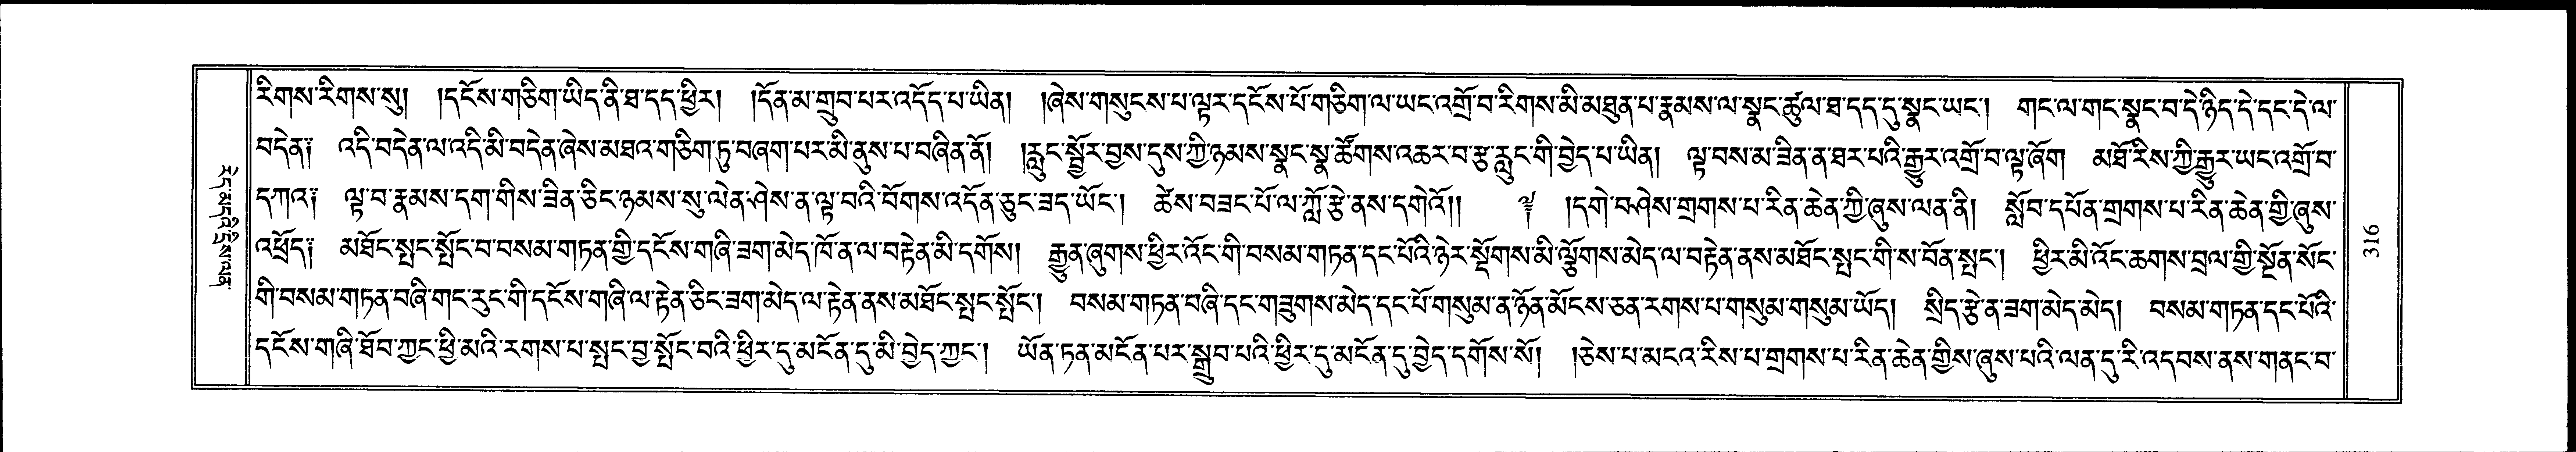རིགས་རིགས་སུ། །དངོས་གཅིག་ཡིད་ནི་ཐ་དད་ཕྱིར། །དོན་མ་གྲུབ་པར་འདོད་པ་ཡིན། །ཞེས་གསུངས་པ་ལྟར་དངོས་པོ་གཅིག་ལ་ཡང་འགྲོ་བ་རིགས་མི་མཐུན་པ་རྣམས་ལ་སྣང་ཚུལ་ཐ་དད་དུ་སྣང་ཡང་། གང་ལ་གང་སྣང་བ་དེ་ཉིད་དེ་དང་དེ་ལ་
བདེན། འདི་བདེན་ལ་འདི་མི་བདེན་ཞེས་མཐའ་གཅིག་ཏུ་བཞག་པར་མི་ནུས་པ་བཞིན་ནོ། །རླུང་སྦྱོར་བྱས་དུས་ཀྱི་ཉམས་སྣང་སྣ་ཚོགས་འཆར་བ་རྩ་རླུང་གི་བྱེད་པ་ཡིན། ལྟ་བས་མ་ཟིན་ན་ཐར་པའི་རྒྱུར་འགྲོ་བ་ལྟ་ཞོག །མཐོ་རིས་ཀྱི་རྒྱུར་ཡང་འགྲོ་བ་
དཀའ། ལྟ་བ་རྣམས་དག་གིས་ཟིན་ཅིང་ཉམས་སུ་ལེན་ཤེས་ན་ལྟ་བའི་བོགས་འདོན་ཅུང་ཟད་ཡོང་། ཚེས་བཟང་པོ་ལ་ཀློ་རྩེ་ནས་དགེའོ།། ༈ །དགེ་བཤེས་གྲགས་པ་རིན་ཆེན་ཀྱི་ཞུས་ལན་ནི། སློབ་དཔོན་གྲགས་པ་རིན་ཆེན་གྱི་ཞུས་
འཕྲོད། མཐོང་སྤང་སྤོང་བ་བསམ་གཏན་གྱི་དངོས་གཞི་ཟག་མེད་ཁོ་ན་ལ་བརྟེན་མི་དགོས། རྒྱུན་ཞུགས་ཕྱིར་འོང་གི་བསམ་གཏན་དང་པོའི་ཉེར་སྡོགས་མི་ལྕོགས་མེད་ལ་བརྟེན་ནས་མཐོང་སྤང་གི་ས་བོན་སྤང་། ཕྱིར་མི་འོང་ཆགས་བྲལ་གྱི་སྔོན་སོང་
གི་བསམ་གཏན་བཞི་གང་རུང་གི་དངོས་གཞི་ལ་རྟེན་ཅིང་ཟག་མེད་ལ་རྟེན་ནས་མཐོང་སྤང་སྤོང་། བསམ་གཏན་བཞི་དང་གཟུགས་མེད་དང་པོ་གསུམ་ན་ཉོན་མོངས་ཅན་རགས་པ་གསུམ་གསུམ་ཡོད། སྲིད་རྩེ་ན་ཟག་མེད་མེད། བསམ་གཏན་དང་པོའི་
དངོས་གཞི་ཐོབ་ཀྱང་ཕྱི་མའི་རགས་པ་སྤང་བྱ་སྤོང་བའི་ཕྱིར་དུ་མངོན་དུ་མི་བྱེད་ཀྱང་། ཡོན་ཏན་མངོན་པར་སྒྲུབ་པའི་ཕྱིར་དུ་མངོན་དུ་བྱེད་དགོས་སོ། །ཅེས་པ་མངའ་རིས་པ་གྲགས་པ་རིན་ཆེན་གྱིས་ཞུས་པའི་ལན་དུ་རི་འདབས་ནས་གནང་བ་